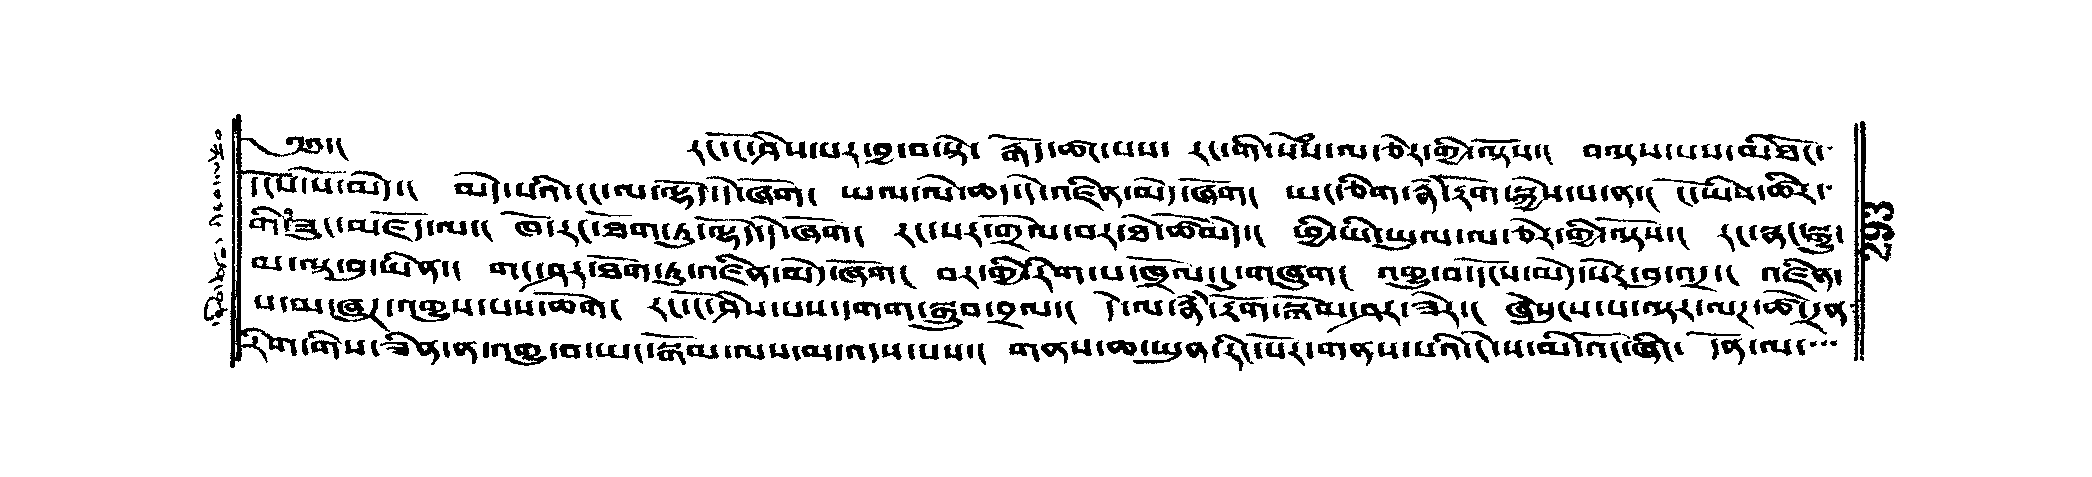རང་ངོ་ཤེས་པར་བྱ་བ་སྟེ། རྒོད་ཚང་པས། རང་གི་སེམས་ལ་ཅེར་གྱི་ལྟོས། །བལྟས་པས་མི་མཐོང་
དངོས་པོ་མེད། །མེད་པའི་ངང་ལ་ལྷོད་དེ་ཞོག །ཡལ་ལེ་ཆད་དེ་འཛིན་མེད་ཞོག །ཡང་ཅིག་རྣམ་རྟོག་སྐྱེས་པ་ན། །ངོ་ཡིས་ཚིར་
གི་བཟུང་མཛོད་ལ། །ཁོ་རང་ཐོག་ཏུ་ལྷོད་དེ་ཞོག །རང་སར་གྲོལ་བར་ཐེ་ཚོམ་མེད། །ཕྱི་ཡི་ཡུལ་ལ་ཅེར་གྱི་ལྟོས། །རང་སྣང་སྒྱུ་
མ་ལྟ་བུ་ཡིན། །གང་ཤར་ཐོག་ཏུ་འཛིན་མེད་ཞོག །བར་གྱི་རིག་པ་ཁྲོལ་དུ་གཞུག །འགྱུ་བ་དགོས་མེད་སེར་བུ་འདྲ། །འཛིན་
པ་མ་ཞུགས་འགྱུས་པས་ཆོག །རང་ངོ་ཤེས་པས་དགག་སྒྲུབ་བྲལ། །དེ་ལ་རྣམ་རྟོག་སྒོམ་ཤར་ཟེར། ཞེས་གསུངས་པ་ལྟར་ལགས་ཚེ་དྲན་
རིག་གིས་ཟིན་ན་འགྱུ་བ་ཡང་སྒོམ་ལས་མ་འདས་པས། གནས་ཆ་ཡུན་རིང་པོར་གནས་པའི་ངེས་པ་མི་འོང་ཞིང་། དོན་ལ་